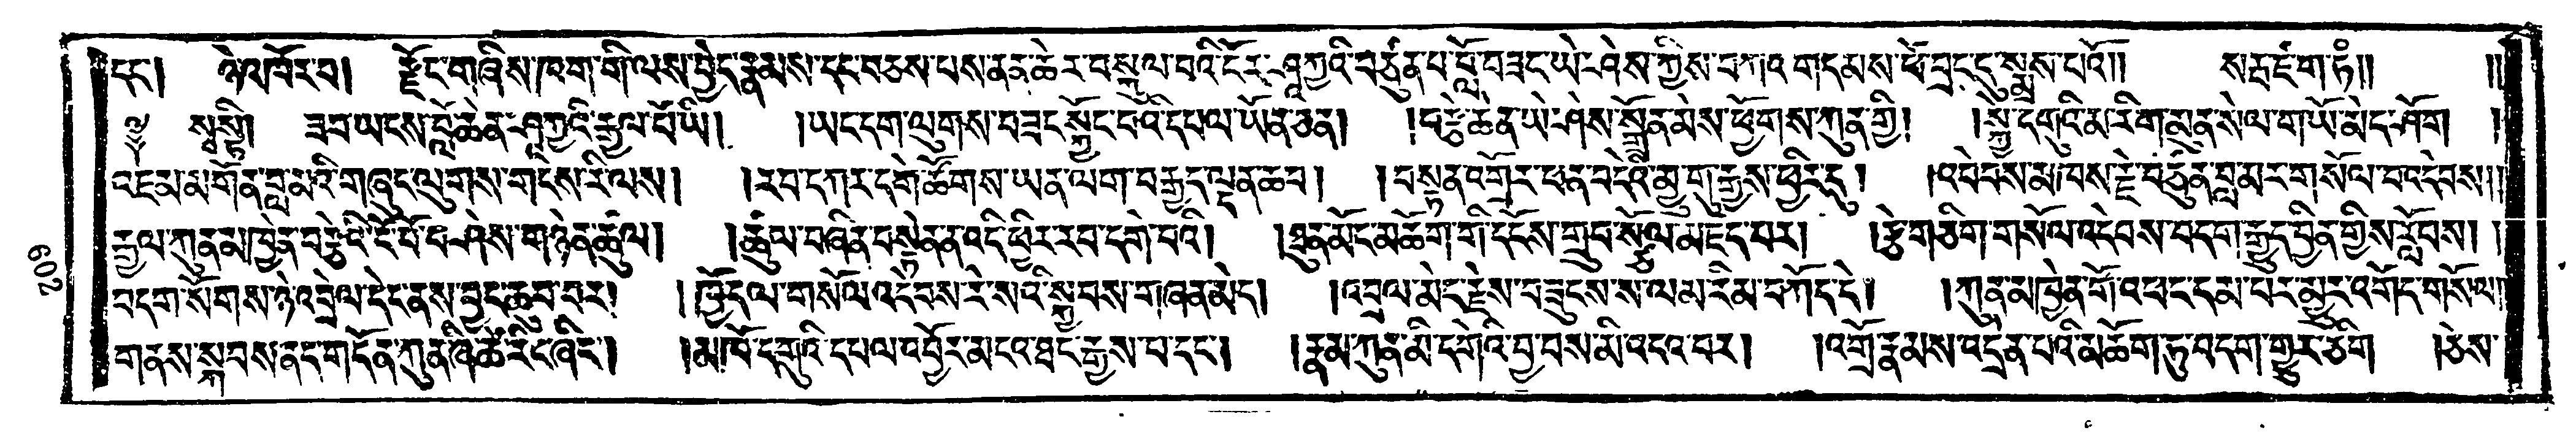དང་། ཉེ་འཁོར་བ། རྫོང་གཞི་ས་ཁག་གི་ལས་བྱེད་རྣམས་དང་བཅས་པས་ནན་ཆེར་བསྐུལ་བའི་ངོར་ཤཱཀྱའི་བཙུན་པ་བློ་བཟང་ཡེ་ཤེས་ཀྱིས་བཀའ་གདམས་ཕོ་བྲང་དུ་སྨྲས་པའོ།། སརྦ་ཛ་ག་ཏཾ།། །།
༈ སྭསྟི། ཟབ་ཡངས་བློ་ཆེན་ཤཱཀྱའི་རྒྱལ་པོ་ཡི། །ཡང་དག་ལུགས་བཟང་སྐྱོང་བའི་དཔལ་ཡོན་ཅན། །བརྩེ་ཆེན་ཡེ་ཤེས་སྒྲོན་མེས་ཕྱོགས་ཀུན་གྱི། །སྐྱེ་དགུའི་མ་རིག་མུན་སེལ་གཡོ་མེད་ཤོག །
འཇམ་མགོན་བླ་མའི་གཞུང་ལུགས་གངས་རི་ལས། །རབ་དཀར་དགེ་ཚོགས་ཡན་ལག་བརྒྱད་ལྡན་ཆབ། །བསྟན་འགྲོར་ཕན་བདེའི་མྱུ་གུ་རྒྱས་ཕྱིར་དུ། །འབེབས་མཁས་རྗེ་བཙུན་བླ་མར་གསོལ་བ་འདེབས།།
རྒྱལ་ཀུན་མཁྱེན་བརྩེའི་ངོ་བོ་བཤེས་གཉེན་ཚུལ། །ཚུལ་བཞིན་བསྟེན་ན་འདི་ཕྱིར་རབ་དགེ་བའི། །ཐུན་མོང་མཆོག་གི་དངོས་གྲུབ་སྩོལ་མཛད་པར། །རྩེ་གཅིག་གསོལ་འདེབས་བདག་རྒྱུད་བྱིན་གྱིས་རློབས། །
བདག་སོགས་ཉེ་འབྲེལ་དེང་ནས་བྱང་ཆུབ་བར། །ཁྱོད་ལ་གསོལ་འདེབས་རེ་སའི་སྐྱབས་གཞན་མེད། །འབྲལ་མེད་རྗེས་བཟུངས་ས་ལམ་རིམ་བཀོད་དེ། །ཀུན་མཁྱེན་གོ་འཕང་དམ་པར་མྱུར་འགོད་གསོལ།
གནས་སྐབས་ནད་གདོན་ཀུན་ཞི་ཚེ་རིང་ཞིང་། །མཁོ་དགུའི་དཔལ་འབྱོར་མངའ་ཐང་རྒྱས་པ་དང་། །རྣམ་ཀུན་མི་དགེའི་བྱ་བས་མི་འདའ་བར། །འགྲོ་རྣམས་འདྲེན་པའི་མཆོག་ཏུ་བདག་གྱུར་ཅིག །ཅེས་